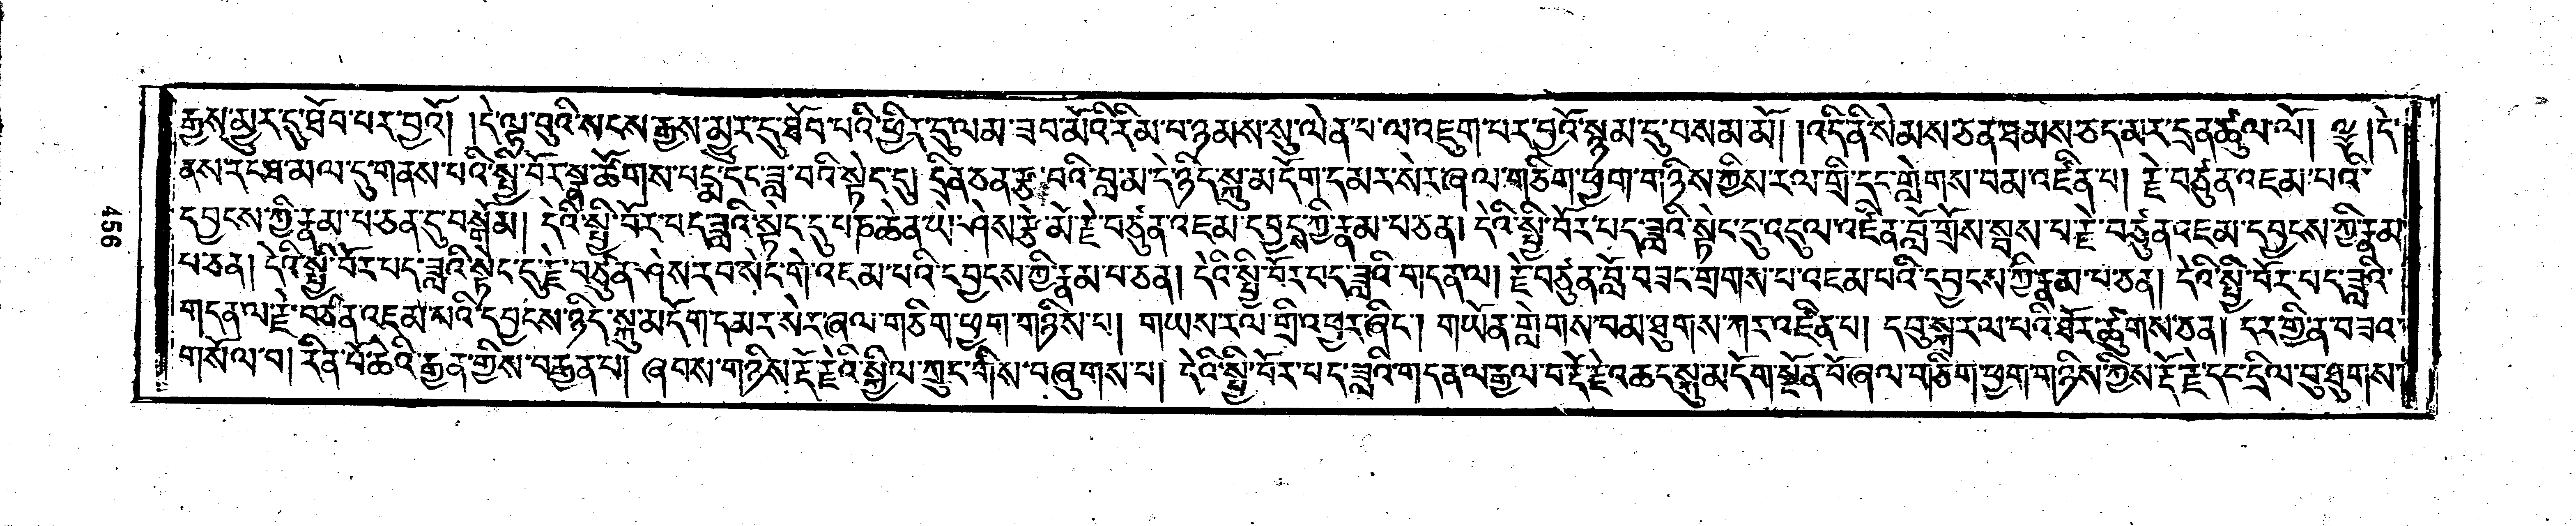རྒྱས་མྱུར་དུ་ཐོབ་པར་བྱའོ། །དེ་ལྟ་བུའི་སནས་རྒྱས་མྱུར་དུ་ཐོབ་པའི་ཕྱིར་དུ་ལམ་ཟབ་མོའི་རིམ་པ་ཉམས་སུ་ལེན་པ་ལ་འཇུག་པར་བྱའོ་སྙམ་དུ་བསམ་མོ། །འདི་ནི་སེམས་ཅན་ཐམས་ཅད་མར་དྲན་ཚུལ་ལོ། ༈ །དེ་
ནས་རང་ཐ་མལ་དུ་གནས་པའི་སྤྱི་བོར་སྣ་ཚོགས་པདམ་དང་ཟླ་བའི་སྟེང་དུ། དྲིན་ཅན་རྩ་བའི་བླ་མ་དེ་ཉིད་སྐུ་མདོག་དམར་སེར་ཞལ་གཅིག་ཕྱག་གཉིས་ཀྱིས་རལ་གྲི་དང་གླེགས་བམ་འཛིན་པ། རྗེ་བཙུན་འཇམ་པའི་
དབྱངས་ཀྱི་རྣམ་པ་ཅན་དུ་བསྒོམ། དེའི་སྤྱི་བོར་པད་ཟླའི་སྟེང་དུ་པཎ་ཆེན་ཡེ་ཤེས་རྩེ་མོ་རྗེ་བཙུན་འཇམ་དབྱངས་ཀྱི་རྣམ་པ་ཅན། དེའི་སྤྱི་བོར་པད་ཟླའི་སྟེང་དུ་འདུལ་འཛིན་བློ་གྲོས་སྦས་པ་རྗེ་བཙུན་འཇམ་དབྱངས་ཀྱི་རྣམ་
པ་ཅན། དེའི་སྤྱི་བོར་པད་ཟླའི་སྟེང་དུ་རྗེ་བཙུན་ཤེས་རབ་སེང་གེ་འཇམ་པའི་དབྱངས་ཀྱི་རྣམ་པ་ཅན། དེའི་སྤྱི་བོར་པད་ཟླའི་གདན་ལ། རྗེ་བཙུན་བློ་བཟང་གྲགས་པ་འཇམ་པའི་དབྱངས་ཀྱི་རྣམ་པ་ཅན། དེའི་སྤྱི་བོར་པད་ཟླའི་
གདན་ལ་རྗེ་བཙུན་འཇམ་པའི་དབྱངས་ཉིད་སྐུ་མདོག་དམར་སེར་ཞལ་གཅིག་ཕྱག་གཉིས་པ། གཡས་རལ་གྲི་འཕྱར་ཞིང་། གཡོན་གླེགས་བམ་ཐུགས་ཀར་འཛིན་པ། དབུ་སྐྲ་རལ་པའི་ཐོར་ཚུགས་ཅན། དར་གྱི་ན་བཟའ་
གསོལ་བ། རིན་པོ་ཆེའི་རྒྱན་གྱིས་བརྒྱན་པ། ཞབས་གཉིས་རྡོ་རྗེའི་སྐྱིལ་ཀྲུང་གིས་བཞུགས་པ། དེའི་སྤྱི་བོར་པད་ཟླའི་གདན་ལ་རྒྱལ་བ་རྡོ་རྗེ་འཆང་སྐུ་མདོག་སྔོན་པོ་ཞལ་གཅིག་ཕྱག་གཉིས་ཀྱིས་རྡོ་རྗེ་དང་དྲིལ་བུ་ཐུག་